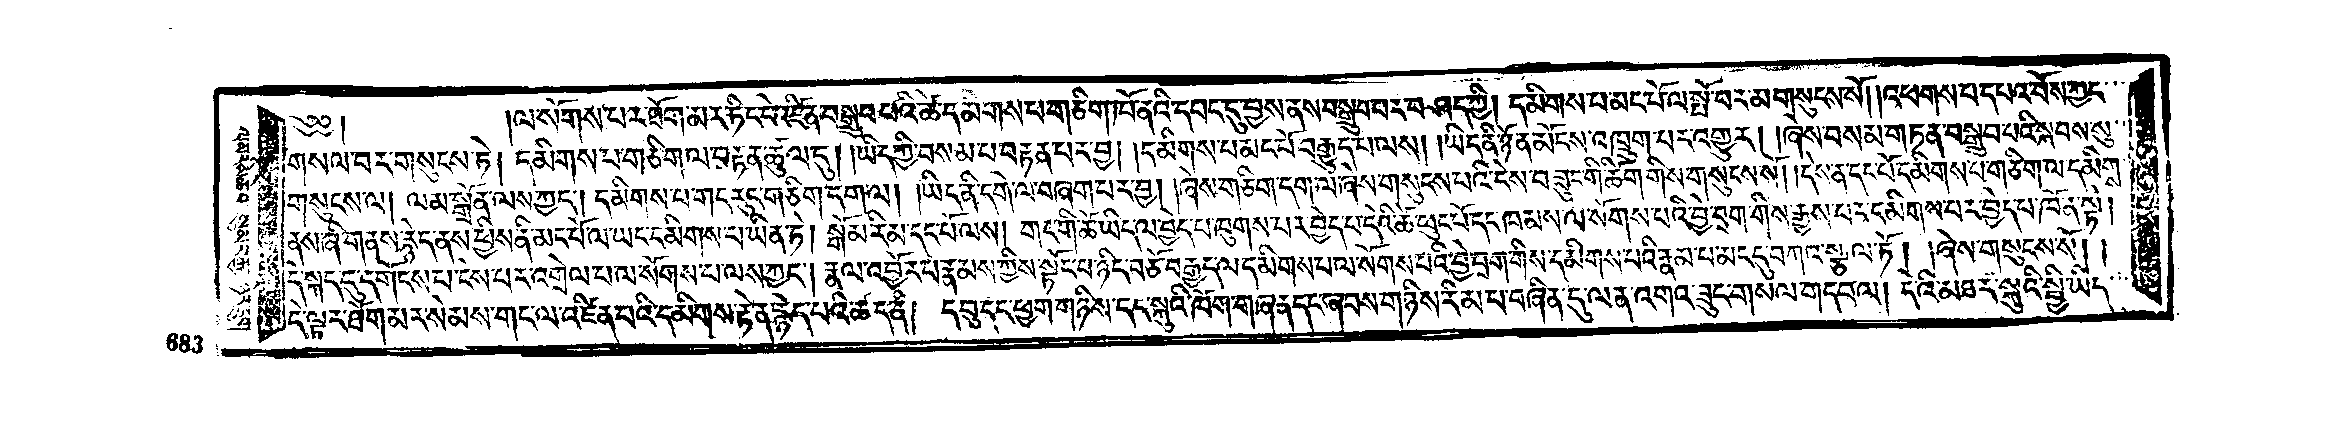༄༅། །ལ་སོགས་པར་ཐོག་མར་ཏིང་ངེ་འཛིན་བསྒྲུབ་པའི་ཚེ་དམིགས་པ་གཅིག་ཁོ་ནའི་དབང་དུ་བྱས་ནས་བསྒྲུབ་པར་བཤད་ཀྱི། དམིགས་པ་མང་པོ་ལ་སྤོ་བར་མ་གསུངས་སོ། །འཕགས་པ་དཔའ་བོས་ཀྱང་
གསལ་བར་གསུངས་ཏེ། དམིགས་པ་གཅིག་ལ་བརྟན་ཚུལ་དུ། །ཡིད་ཀྱི་བསམ་པ་བརྟན་པར་བྱ། །དམིགས་པ་མང་པོ་བརྒྱུད་པ་ལས། །ཡིད་ནི་ཉོན་མོངས་འཁྲུག་པར་འགྱུར། །ཞེས་བསམ་གཏན་བསྒྲུབ་པའི་སྐབས་སུ་
གསུངས་ལ། ལམ་སྒྲོན་ལས་ཀྱང་། དམིགས་པ་གང་རུང་གཅིག་དག་ལ། །ཡིད་ནི་དགེ་ལ་བཞག་པར་བྱ། །ཞེས་གཅིག་དག་ལ་ཞེས་གསུངས་པའི་ངེས་བཟུང་གི་ཚིག་གིས་གསུངས་སོ། །དེས་ན་དང་པོ་དམིགས་པ་གཅིག་ལ་དམིགས་
ནས་ཞི་གནས་རྙེད་ནས་ཕྱིས་ནི་མང་པོ་ལ་ཡང་དམིགས་པ་ཡིན་ཏེ། སྒོམ་རིམ་དང་པོ་ལས། གང་གི་ཚེ་ཡིད་ལ་བྱེད་པ་ཁུགས་པར་བྱེད་པ་དེའི་ཚེ་ཕུང་པོ་དང་ཁམས་ལ་སོགས་པའི་བྱེ་བྲག་གིས་རྒྱས་པར་དམིགས་པར་བྱེད་པ་ཁོ་ན་སྟེ།
དེ་སྐད་དུ་དགོངས་པ་ངེས་པར་འགྲེལ་པ་ལ་སོགས་པ་ལས་ཀྱང་། རྣལ་འབྱོར་པ་རྣམས་ཀྱིས་སྟོང་པ་ཉིད་བཅོ་བརྒྱད་ལ་དམིགས་པ་ལ་སོགས་པའི་བྱེ་བྲག་གིས་དམིགས་པའི་རྣམ་པ་མང་དུ་བཀའ་སྩལ་ཏོ། །ཞེས་གསུངས་སོ། །
དེ་ལྟར་ཐོག་མར་སེམས་གང་ལ་འཛིན་པའི་དམིགས་རྟེན་རྙེད་པའི་ཚད་ནི། དབུ་དང་ཕྱག་གཉིས་དང་སྐུའི་ཁོག་གཞན་དང་ཞབས་གཉིས་རིམ་པ་བཞིན་དུ་ལན་འགའ་ཟུང་གསལ་གདབ་ལ། དེའི་མཐར་སྐུའི་སྤྱི་?་ཡིད་